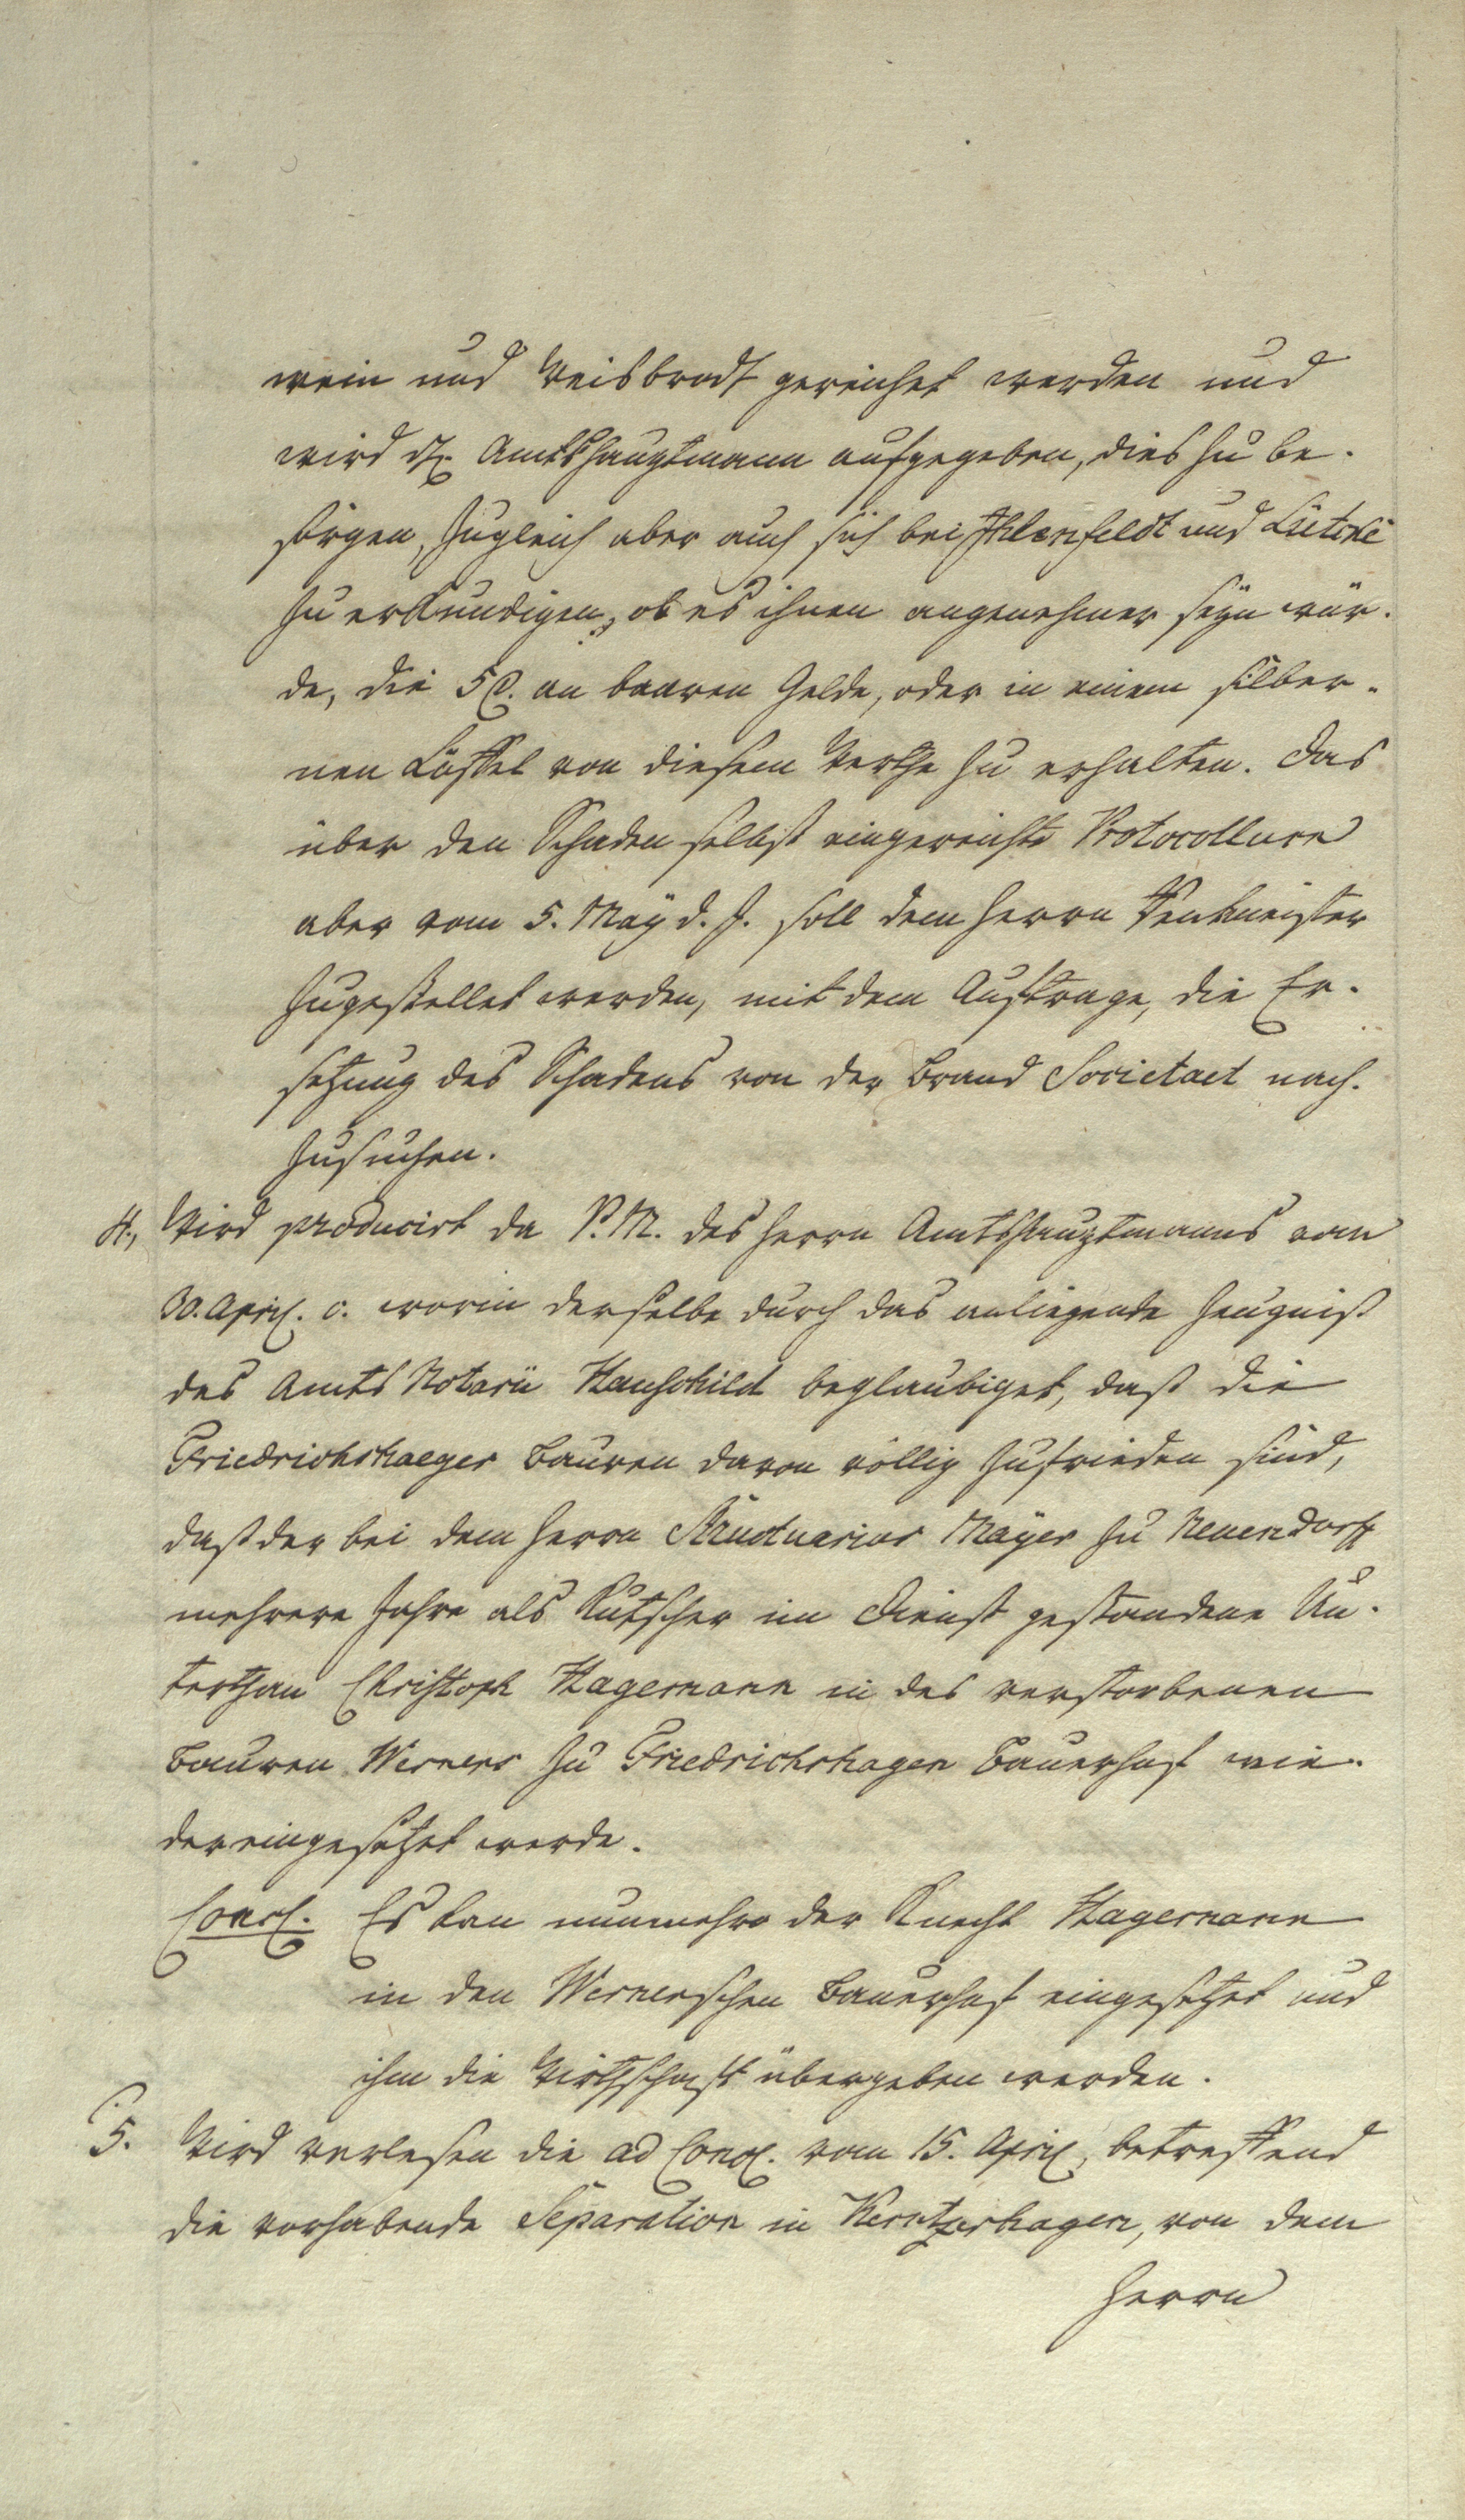wein und Weisbrodt gereichet werden und
wird dh. Amtshauptmann aufgegeben, dies zu be¬
sorgen, zugleich aber auch sich bei Ihlenfeldt und Lütcke
zu erkundigen, ob es ihnen angenehmer seyn wür¬
de, die 5 rtl. an baaren Gelde, oder in einem silber¬
nen Löffel von diesem Werthe zu erhalten. Das
über den Schaden selbst eingereichte Protocollum
aber vom 5. May d. J. soll dem Herrn Rentmeister
zugestellet werden, mit dem Auftrage, die Er¬
setzung des Schadens von der Brand Societaet nach¬
zusuchen.
4., Wird producirt da P. M. des Herrn Amtshauptmanns vom
30. April. c. worin derselbe durch das anliegende Zeugniß
des Amts Notarii Hauschild beglaubiget, daß die
Friedrichshaeger Bauren davon völlig zufrieden sind,
daß der bei dem Herrn Strutuarius Mayer zu Neuendorff
mehrere Jahre als Kutscher im Dienst gestandene Un¬
terthan Christoph Hagermann in des verstorbenen
Bauren Werners zu Friedrichshagen Bauerhof wie¬
der eingesetzet werde.
Concl. Es kan nunmehro der Knecht Hagermann
in den Wernerschen Bauerhof eingsetzet und
ihm die Wirthschaft übergeben werden.
5. Wird verlesen die ad Concl. vom 15. April, betreffend
die vorhabende Separation in Kemtzerhagen, von dem
Herrn